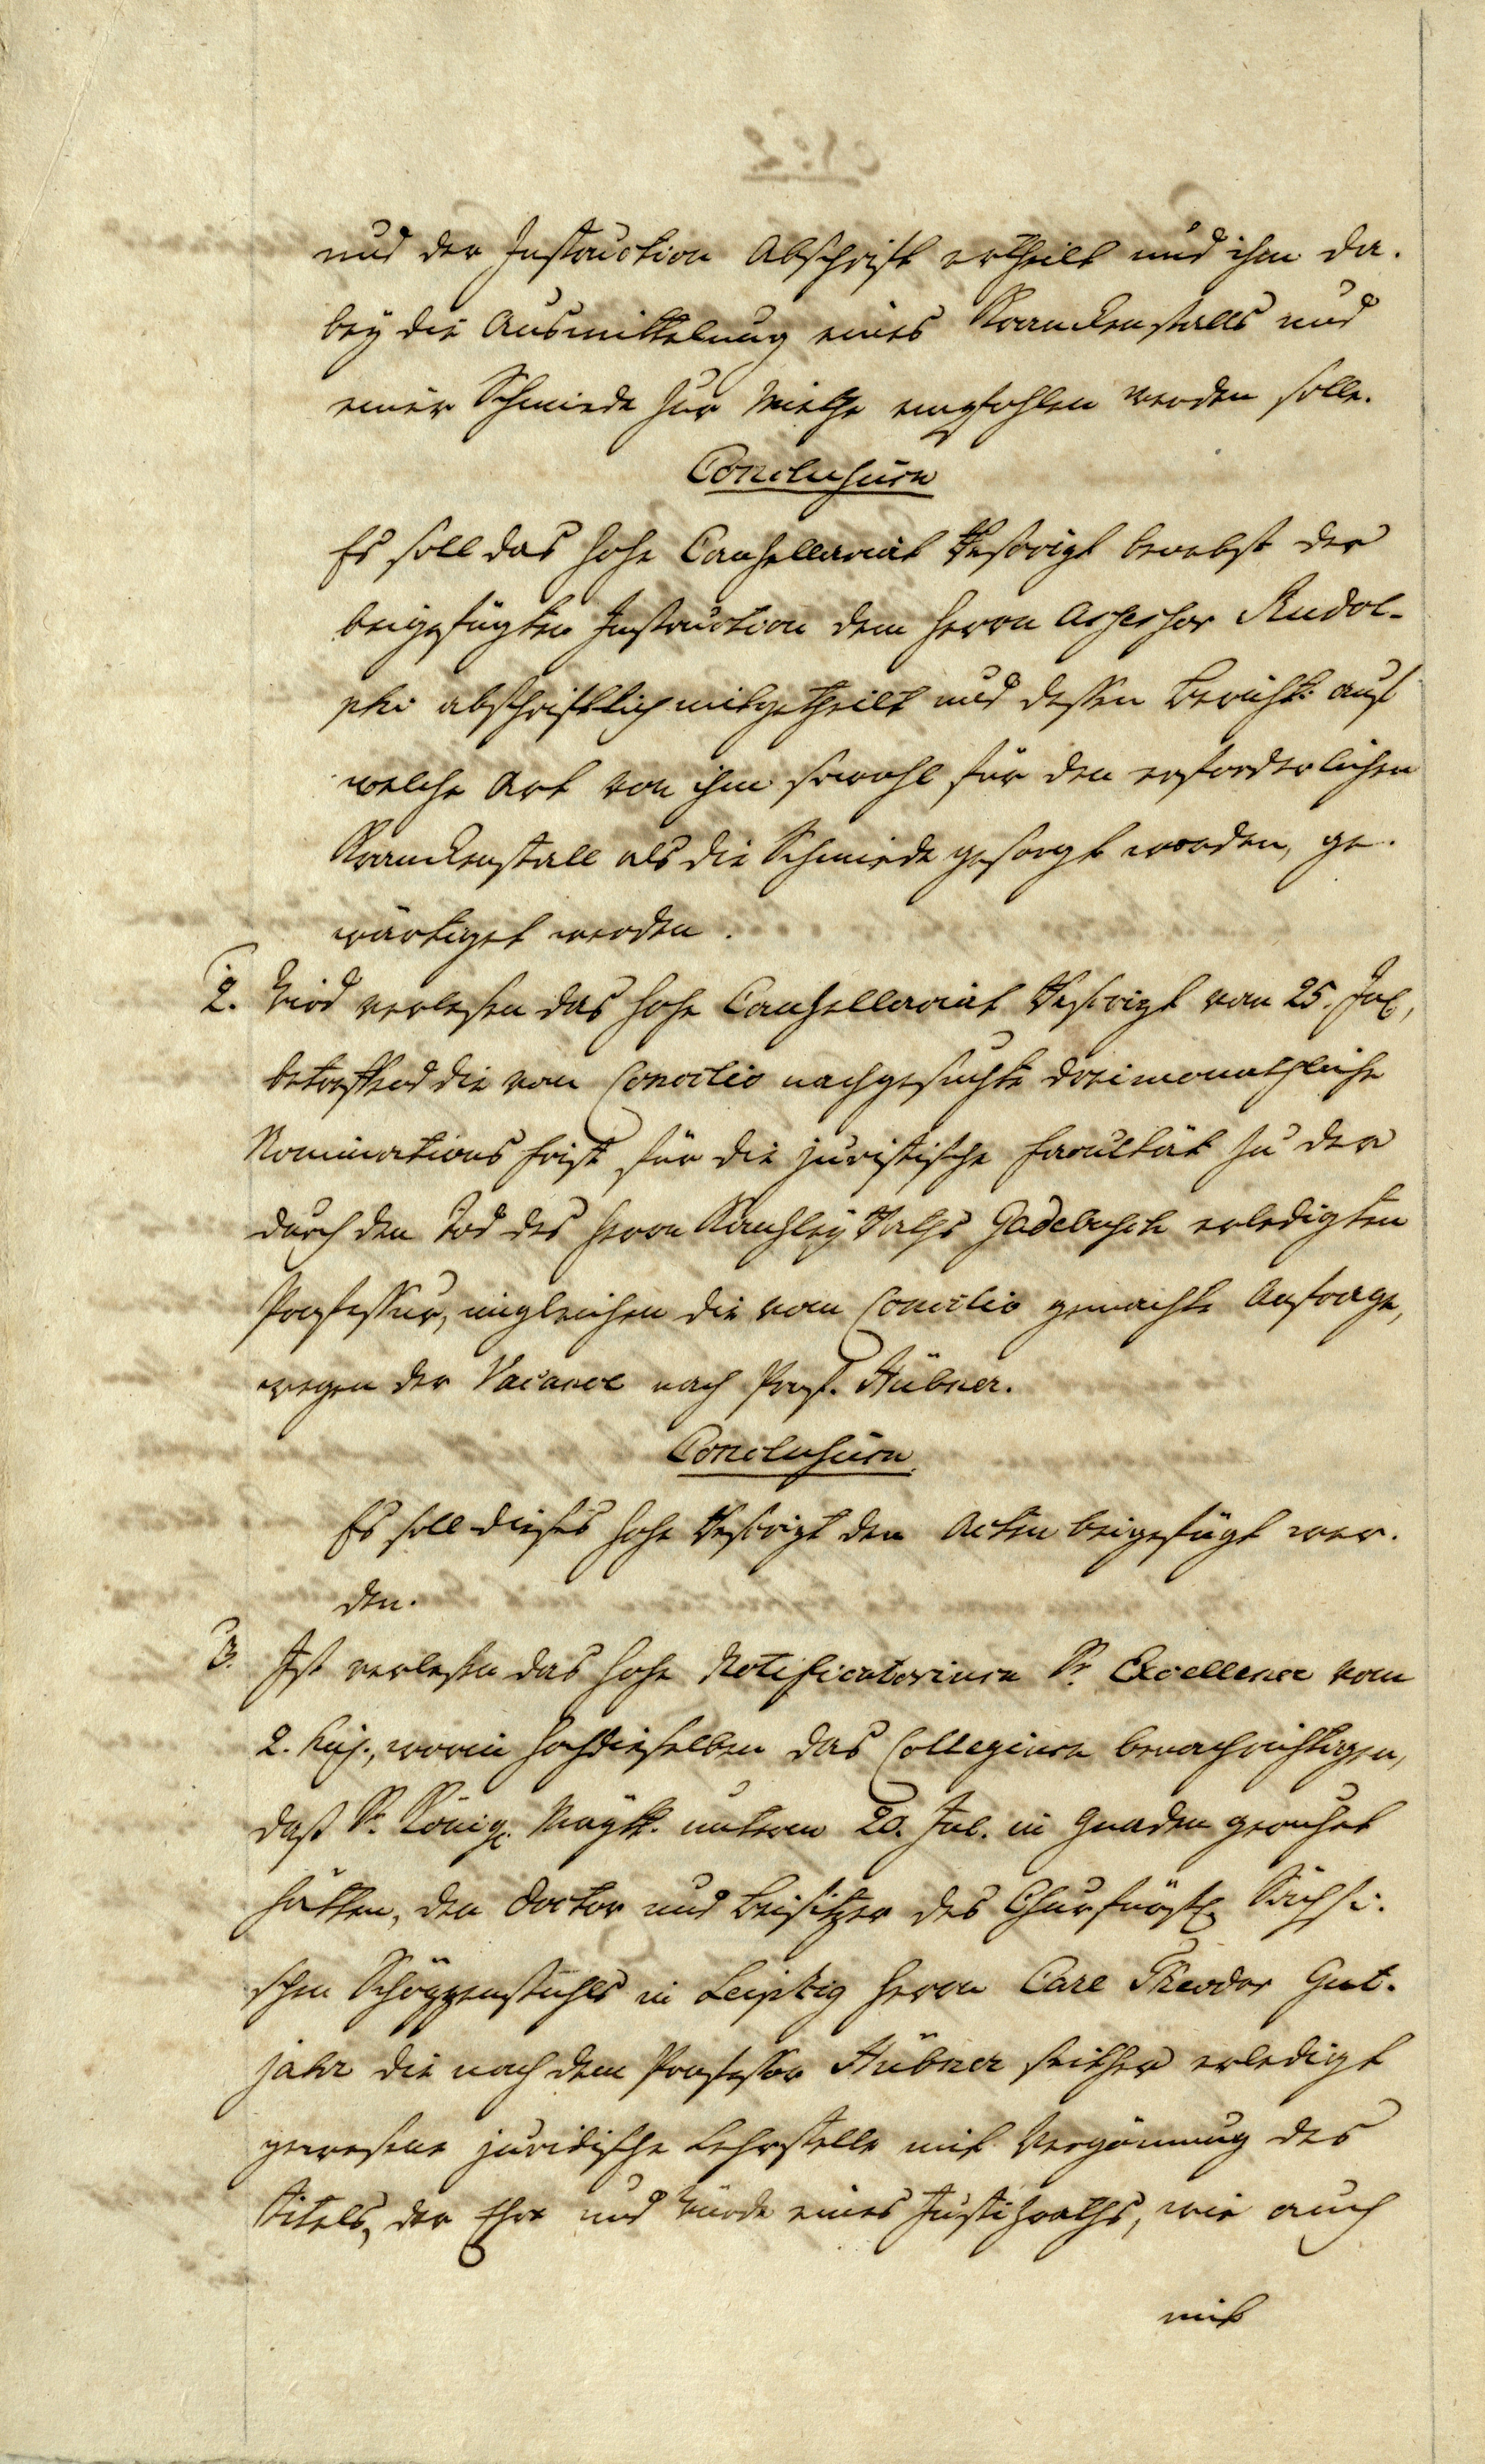und der Instruction Abschrift ertheilt und ihm da¬
beÿ die Ausmittelung eines Krankenstalls und
einer Schmiede zur Miethe empfohlen werden solle.
Conclusum
Es soll das hohe Canzellariat Rescript benebst der
beigefügten Instruction dem Herrn Assessor Rudol¬
phi abschriftlich mitgetheilt und dessen Bericht auf
welche Art von ihm sowohl für den erforderlichen
Krankenstall als die Schmiede gesorgt werden, ge¬
wärtiget werden.
2. Wird verlesen das hohe Canzellariat Rescript vom 25, Jul.
betreffend die vom Concilio nachgesuchte dreimonathliche
Nominations Frist für die juristische Facultät zu der
durch den Tod des Herrn Kanzleÿ Raths Gadebusch erledigten
Professur, imgleichen die vom Concilio gemachte Anfrage,
wegen der Vacance nach Prof. Hübner.
Conclusum.
Es soll dieses hohe Rescript den Acten beigefügt wer¬
den.
3. Ist verlesen das hohe Notificatorium Sr Excellence vom
2. huj., worin Hochdieselben das Collegium benachrichtigen,
daß Sr. Königl Maÿtt. unterm 20. Jul. in Gnaden geruhet
hätten, den Doctor und Beisitzer des Churfürstl Sächsi¬
schen Schöppenstuhls in Leipzig Herrn Carl Theodor Gut¬
jahr die nach dem Professor Hübner seither erledigt
gewesene juridische Lehrstelle mit Vergönnung des
Titels, der Ehre und Würde eines Justizraths, wie auch
mit